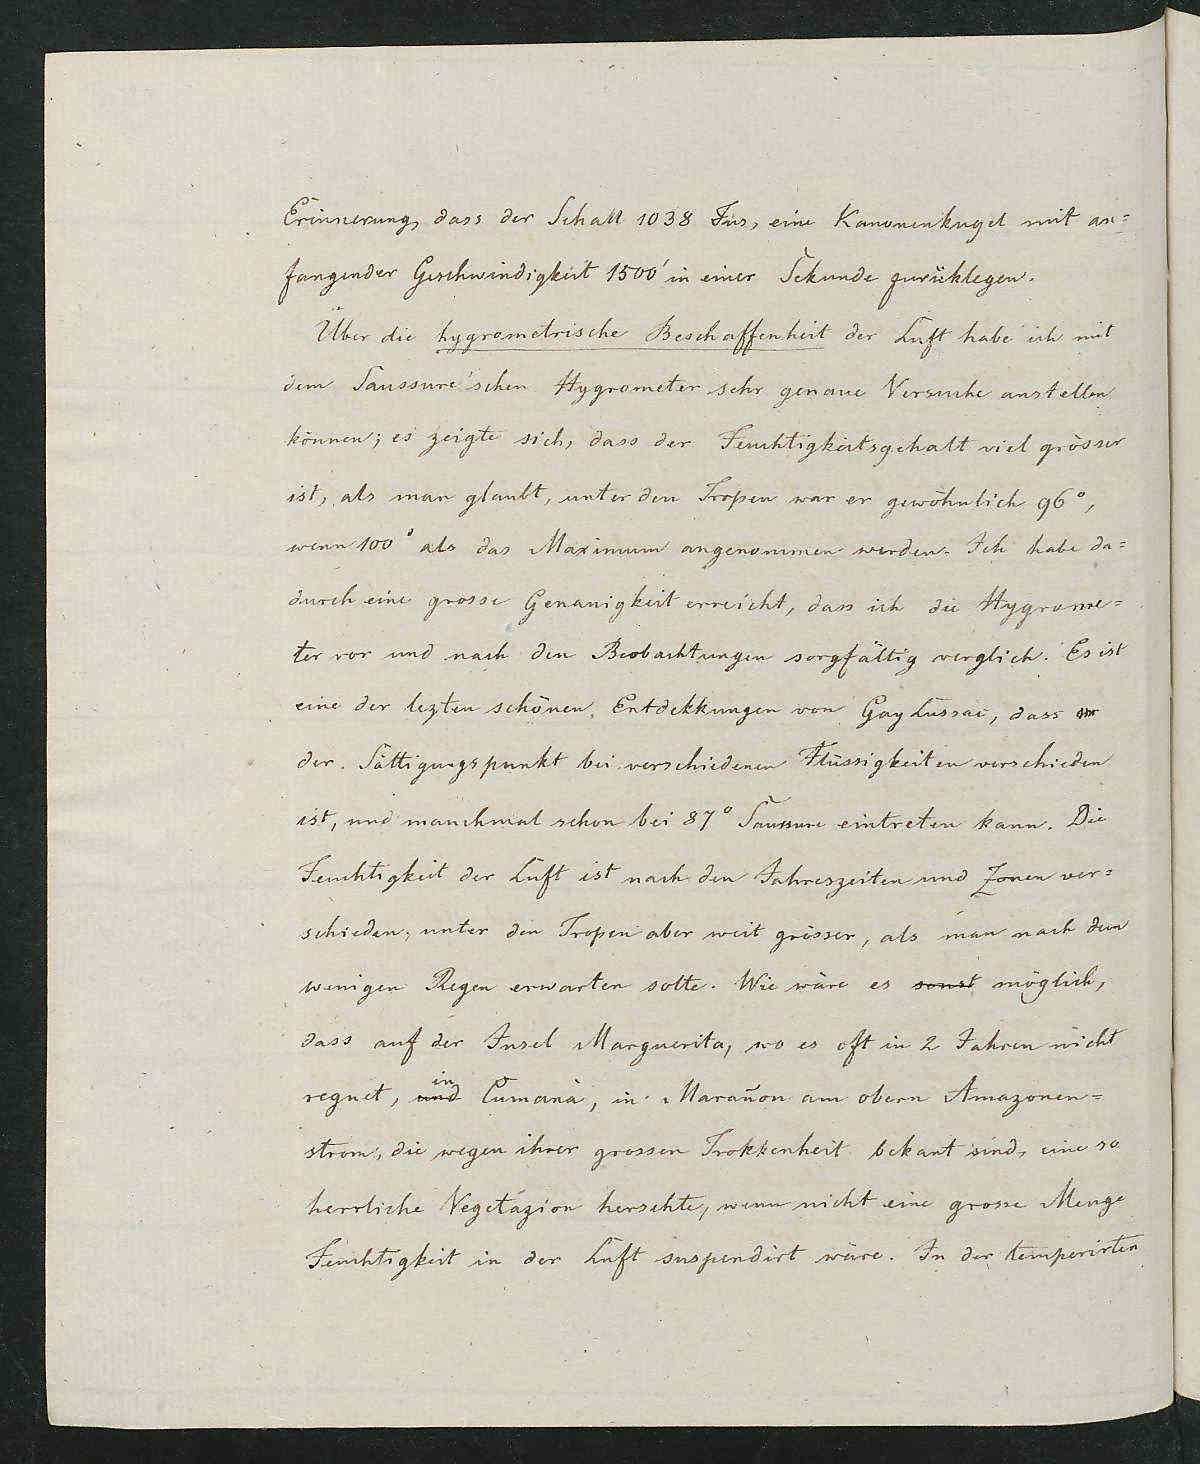Erinnerung, dass der Schall 1038 Fus, eine Kanonenkugel mit an-
fangender Geschwindigkeit 1500′ in einer Sekunde zurüklegen.
Über die hygrometrische Beschaffenheit der Luft habe ich mit
dem Saussure'schen Hygrometer sehr genaue Versuche anstellen
können; es zeigte sich, dass der Feuchtigkeitsgehalt viel grösser
ist, als man glaubt, unter den Tropen war er gewöhnlich 96°,
wenn 100° als das Maximum angenommen werden. Ich habe da-
durch eine grosse Genauigkeit erreicht, dass ich die Hygrome-
ter vor und nach den Beobachtungen sorgfältig verglich. Es ist
eine der lezten schönen Entdekkungen von Gay Lussac, dass er
der Sättigungspunkt bei verschiedenen Flüssigkeiten verschieden
ist, und manchmal schon bei 87° Saussure eintreten kann. Die
Feuchtigkeit der Luft ist nach den Jahreszeiten und Zonen ver-
schieden; unter den Tropen aber weit grösser, als man nach dem
wenigen Regen erwarten solte. Wie wäre es sonst möglich,
dass auf der Insel Marguerita, wo es oft in 2 Jahren nicht
regnet, undin Cumanà, in Marañon am obern Amazonen-
strom, die wegen ihrer grossen Trokkenheit bekant sind, eine so
herrliche Vegetazion herschte, wenn nicht eine grosse Menge
Feuchtigkeit in der Luft suspendirt wäre. In der temperirten